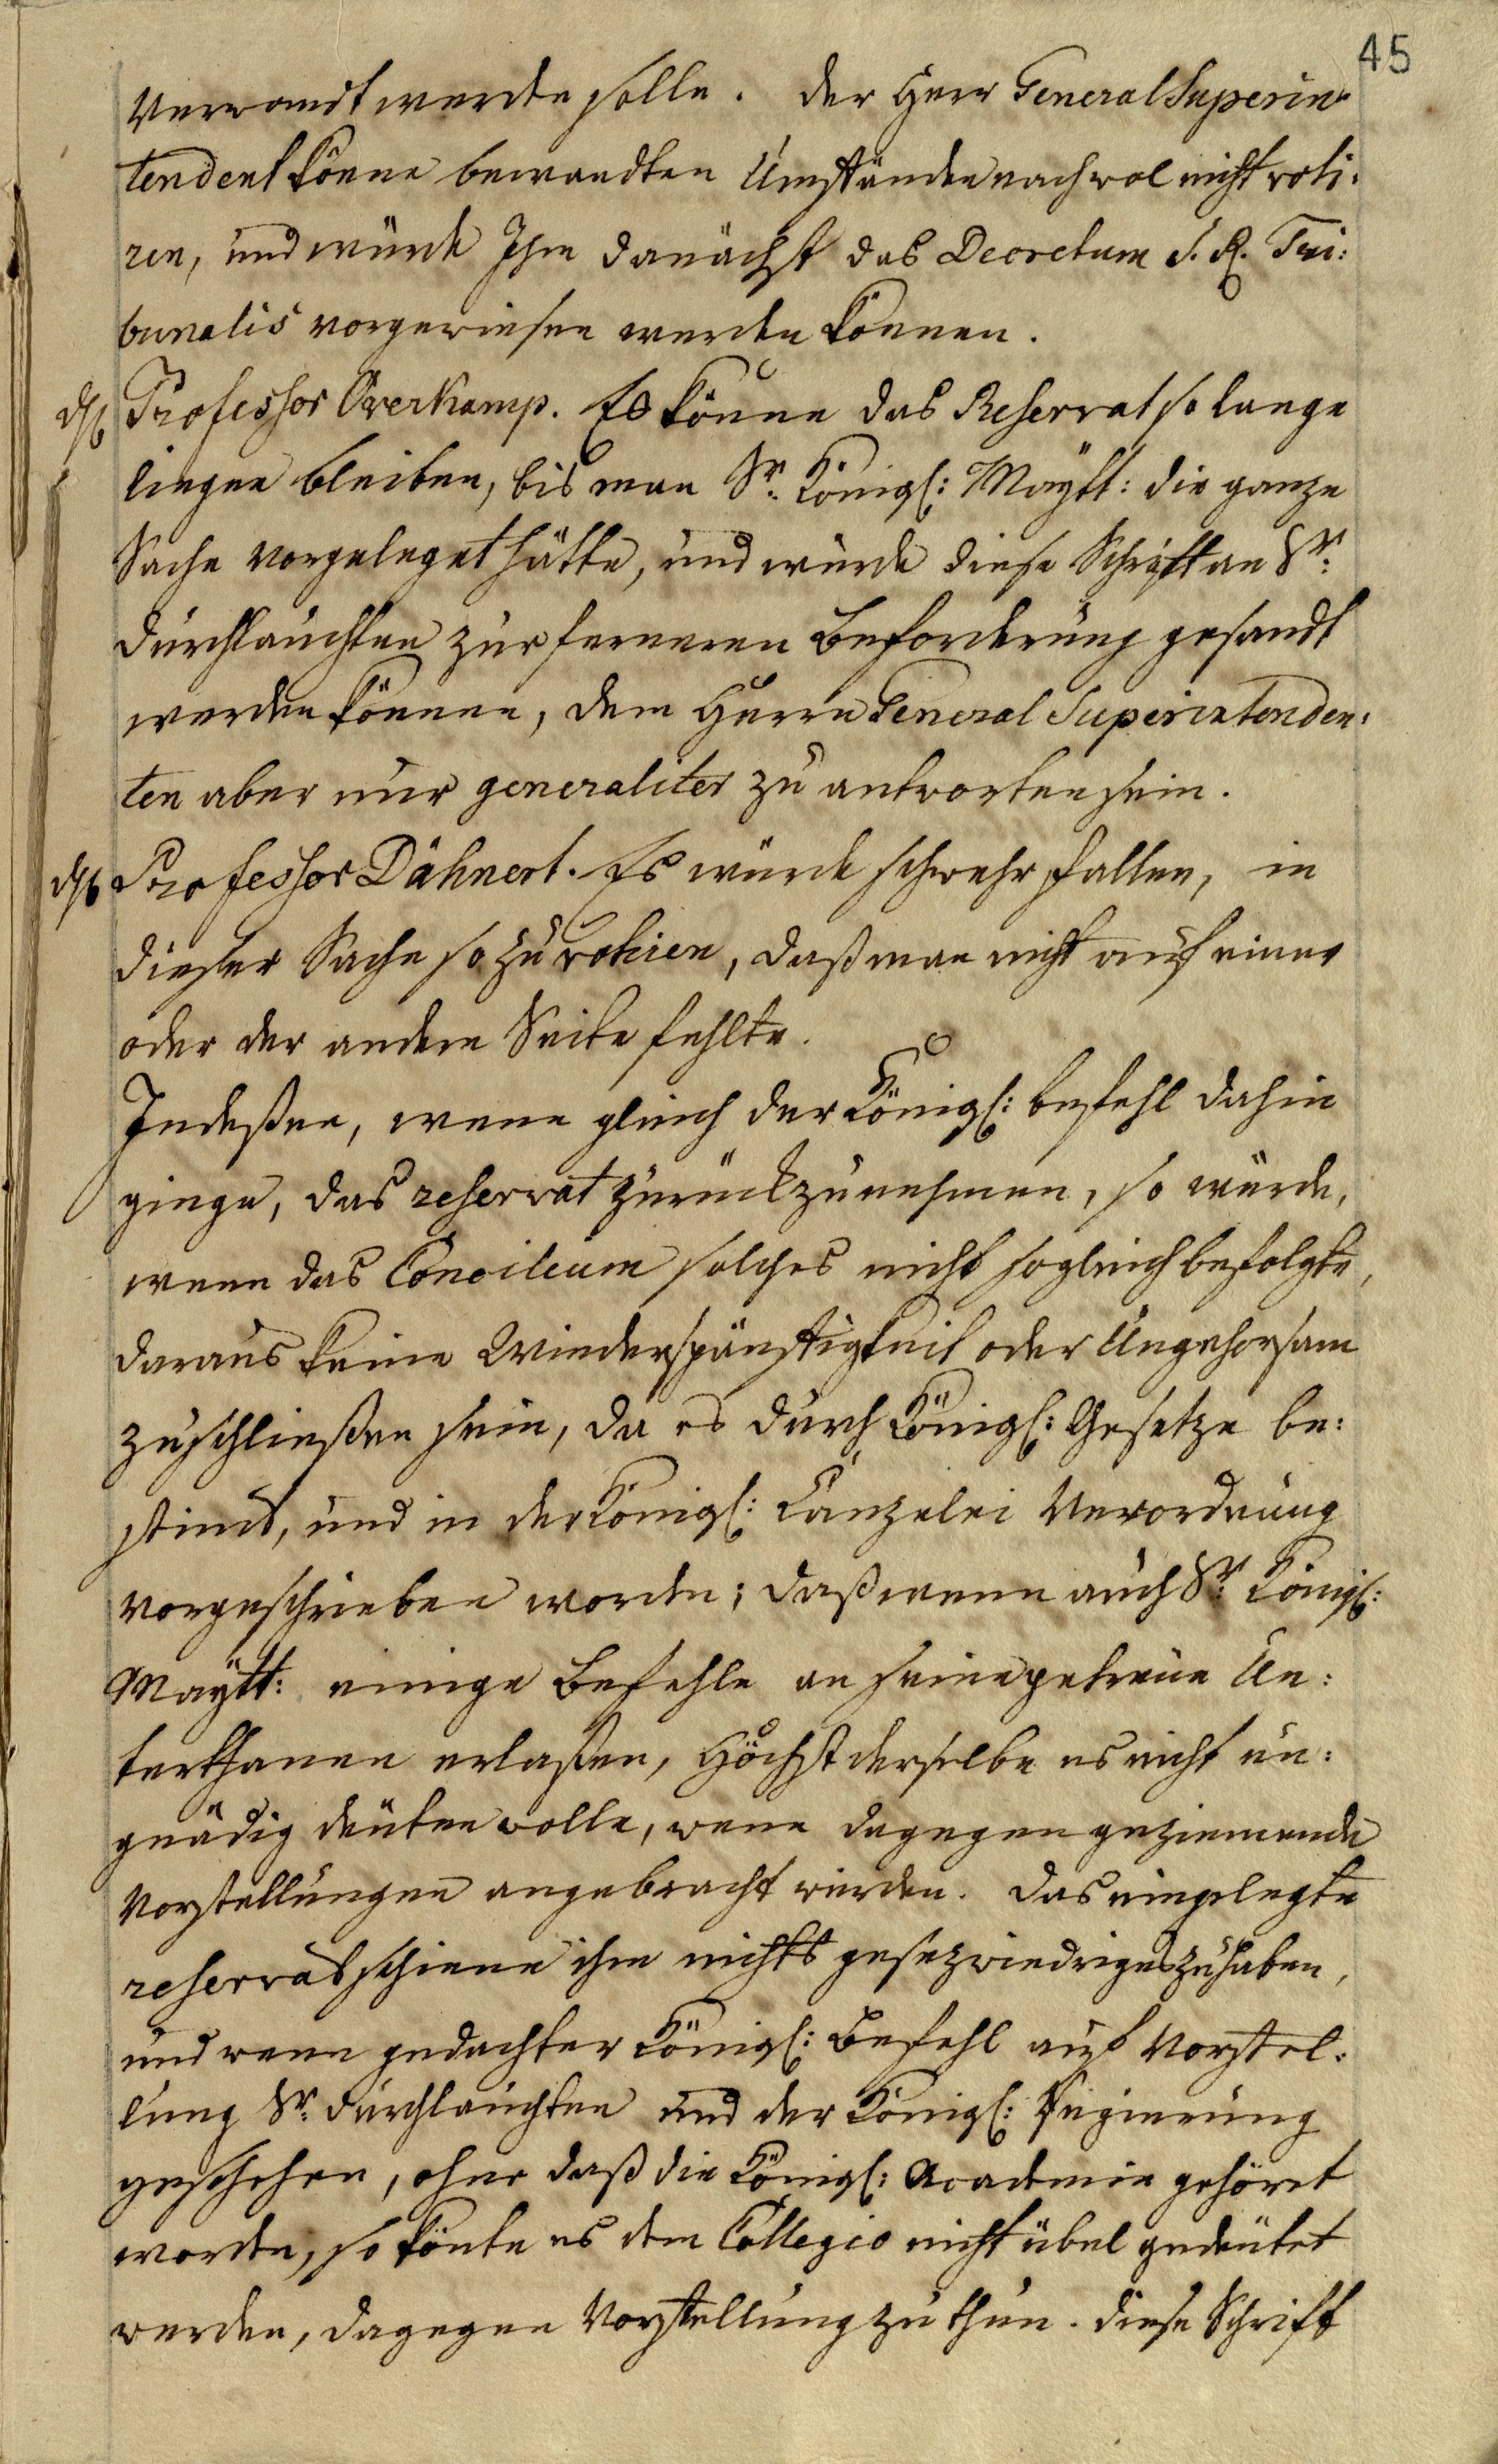verwandt werden solle. Der Herr GeneralSuperin¬
tendent könne bewandten Umständen nach wohl nicht voti¬
ren, und würde Ihm danächst das Decretum S. R. Tri¬
bunalis vorgewiesen werden können.
dh Professor Overkamp. Es könne das Reservat so lange
liegen bleiben, bis man Sr. Königl. Maÿtt. die ganze
Sache vorgeleget hätte, und würde diese Schrift an Sr
Durchlauchten zur ferneren Beforderung gesandt
werden können, dem Herrn General Superintenden¬
ten aber nur generaliter zu antworten sein.
dh Professor Dähnert. Es würde schwehr fallen, in
dieser Sache so zu votiren, daß man nicht auf einer
oder der andern Seite fehlte.
Indeßen, wenn gleich der Königl. Befehl dahin
ginge, das reservat zurückzunehmen, so würde,
wenn das Concilium solches nicht sogleich befolgte,
daraus keine Wiederspänstigkeit oder Ungehorsam
zuschließen sein, da es durch Königl. Gesetze be¬
stimt, und in der Königl. Canzelei Verordnung
vorgeschrieben worden; daß wenn auch Sr Königl.
Maÿtt. einige Befehle an seine getreue Un¬
terthanen erlaßen, Höchst derselbe es nicht un¬
gnädig deuten wolle, wenn dagegen geziemende
Vorstellungen angebracht würden. Das eingelegte
reservat schiene ihm nichts gesezwiedriges zuhaben,
und wenn gedachter Königl. Befehl auf Vorstel¬
lung Sr Durchlauchten und der Königl. Regierung
geschehen, ohne daß die Königl. Academie gehöret
worden, so könte es dem Collegio nicht übel gedeutet
werden, dagegen Vorstellung zu thun. Diese Schrift